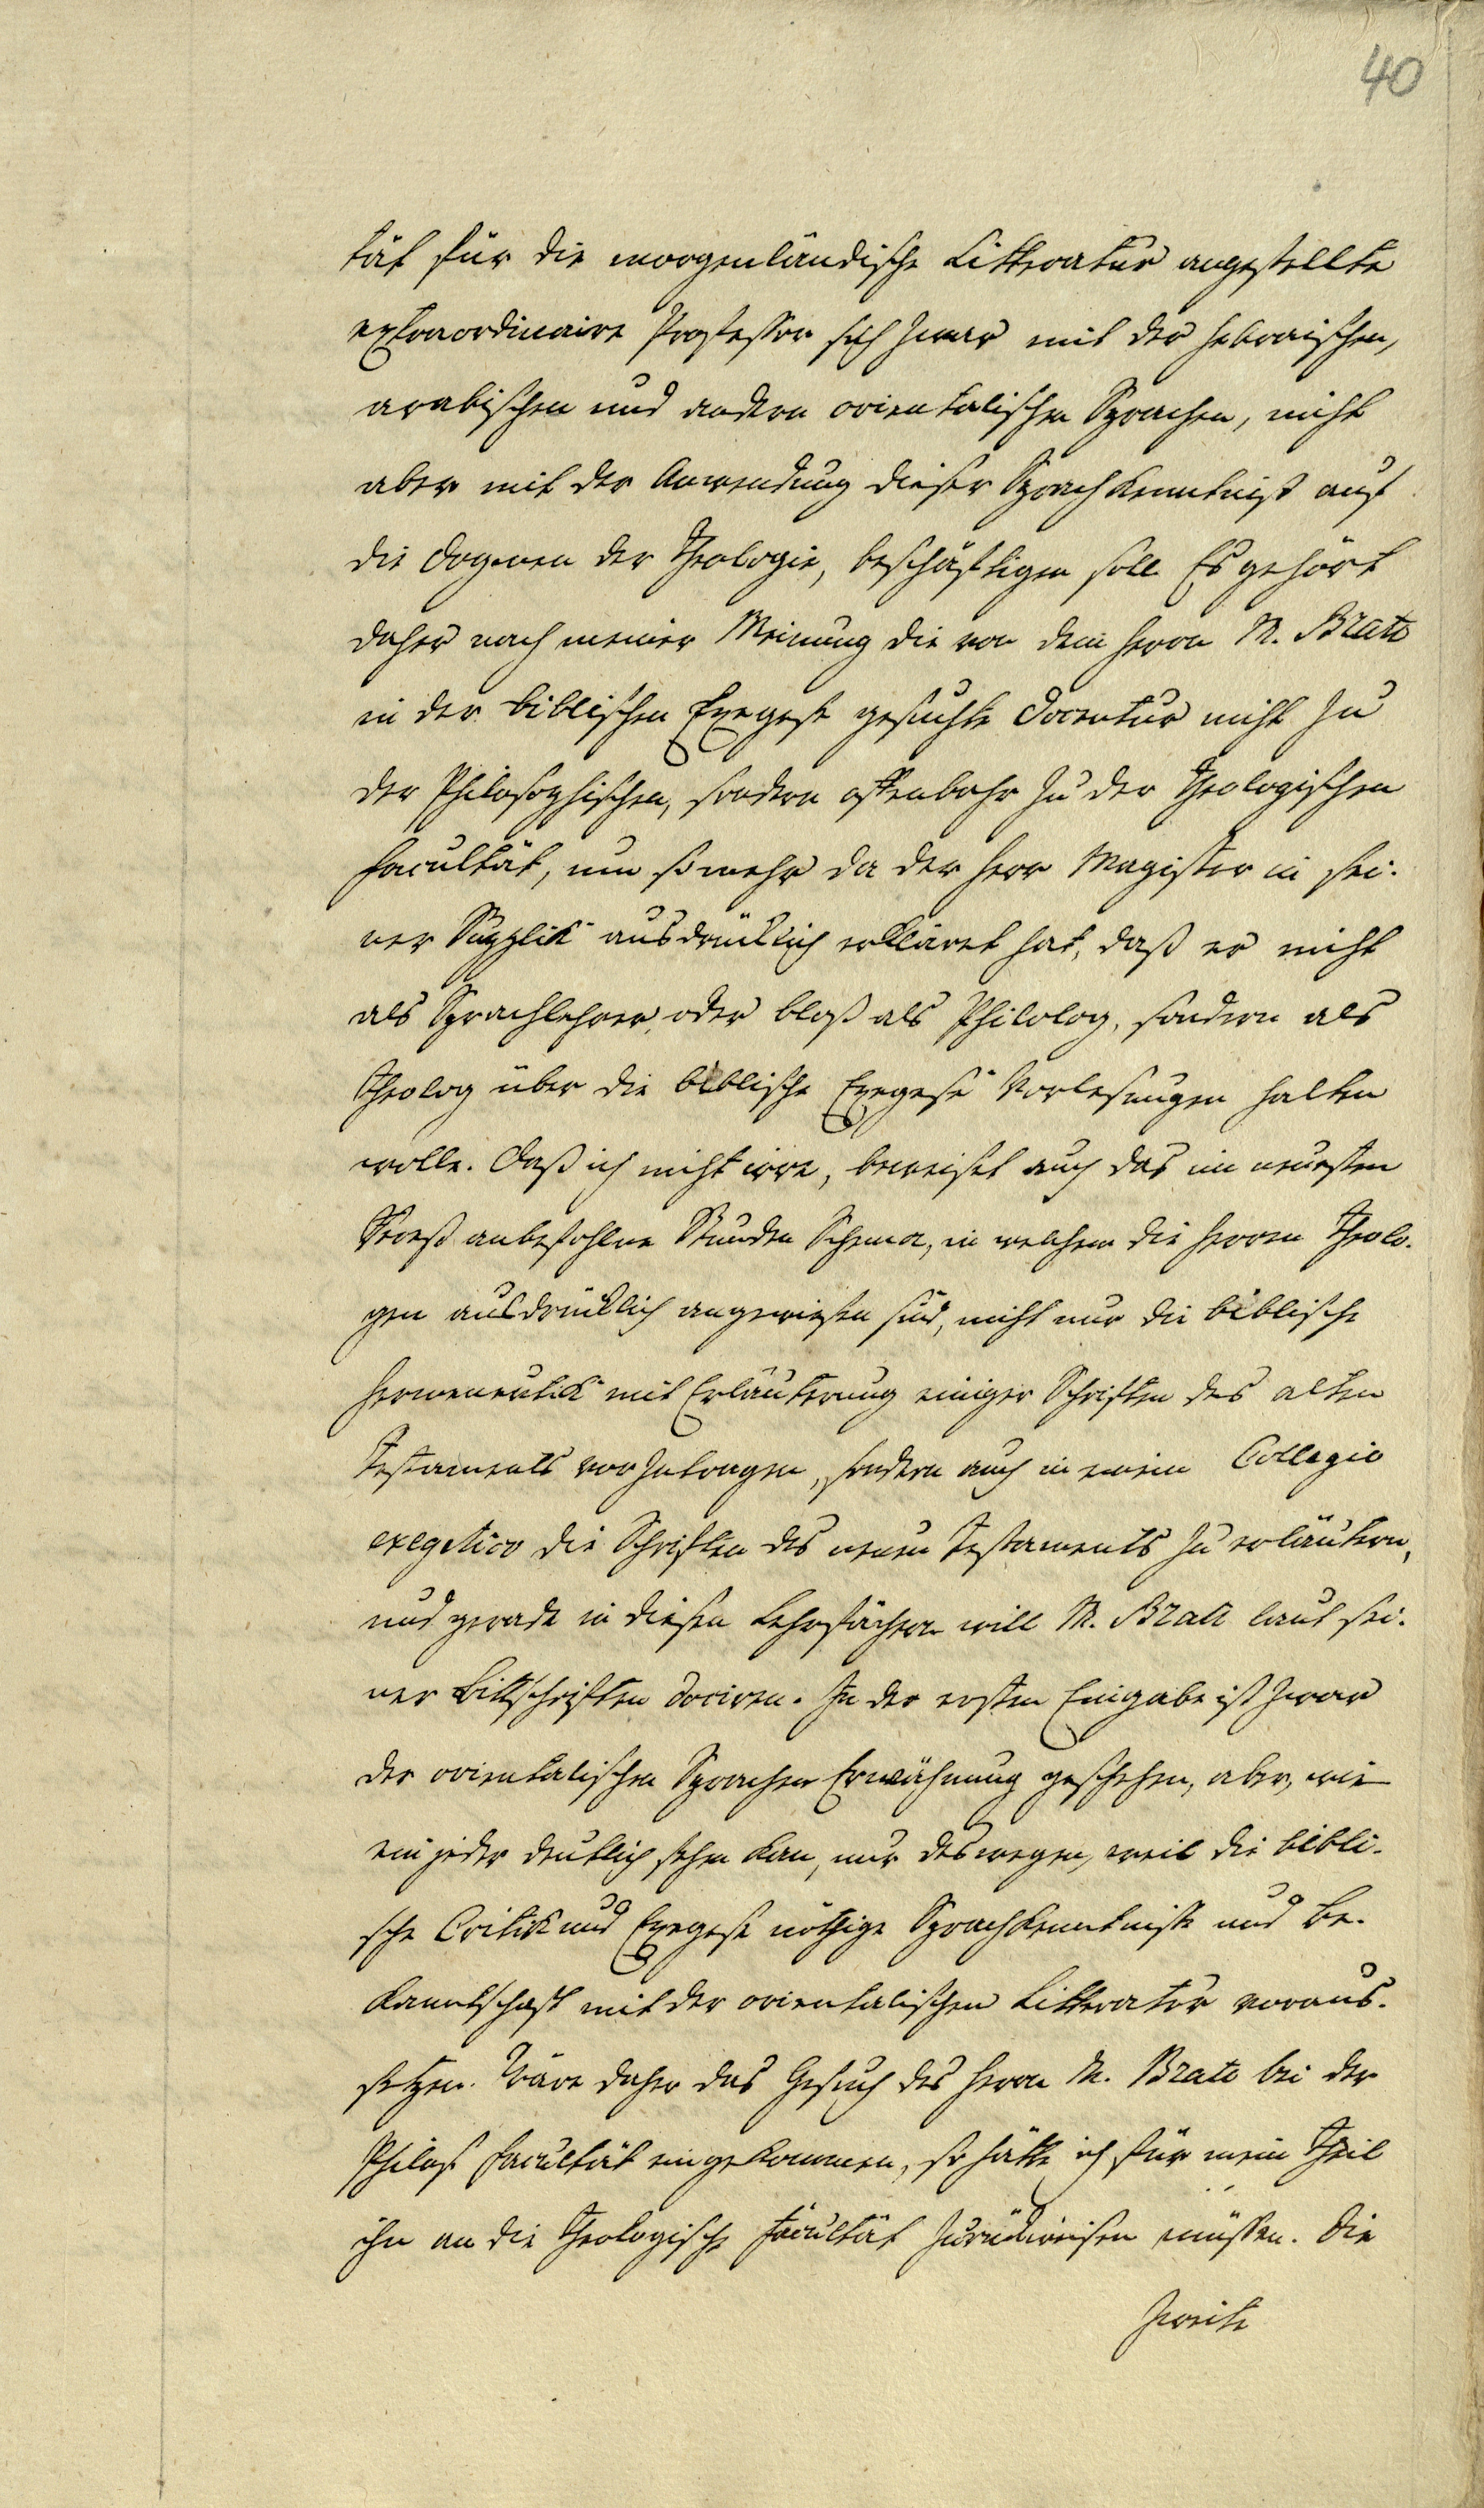tät für die morgenländischen Litteratur angestellte
extraordinaire Professor sich zwar mit der hebraischen,
arabischen und andern orientalischen Sprachen, nicht
aber mit der Anwendung dieser Sprachkenntniß auf
die Dogmen der Theologie, beschäftigen soll. Es gehört
daher nach meiner Meinung die von dem Herrn M. Bratt
in der biblischen Exegese gesuchte Docentur nicht zu
der Philosophischen, sondern offenbahr zu der Theologischen
Facultät, um so mehr da der Herr Magister in sei¬
ner Supplik ausdrücklich erkläret hat, daß er nicht
als Sprachlehrer oder bloß als Philolog, sondern als
Theolog über die biblische Exegese Vorlesungen halten
wolle. Daß ich nicht irre, beweiset auch das im neuesten
Receß anbefohlne Stunden Schema, in welchem die Herren Theolo¬
gen ausdrücklich angewiesen sind, nicht nur die biblische
Hermeneutik mit Erläuterung einiger Schriften des alten
Testaments vorzutragen, sondern auch in einem Collegio
exegitico die Schriften des neuen Testaments zu erläutern,
und gerade in diesen Lehrfächern will M. Bratt laut sei¬
ner Bittschriften dociren. In der ersten Eingabe ist zwar
der orientalischen Sprachen Erwähnung geschehen, aber, wie
ein jeder deutlich sehen kan, nur deswegen, weil die bibli¬
sche Critik und Exegese nöthige Sprachkenntnisse und Be¬
kanntschaft mit der orientalischen Litteratur voraus¬
setzen. Wäre daher das Gesuch des Herrn M. Bratt bei der
Philos. Facultät eingekommen, so hätte ich für mein Theil
ihn an die Theologische Facultät zurückweisen müssen. Die
zweite